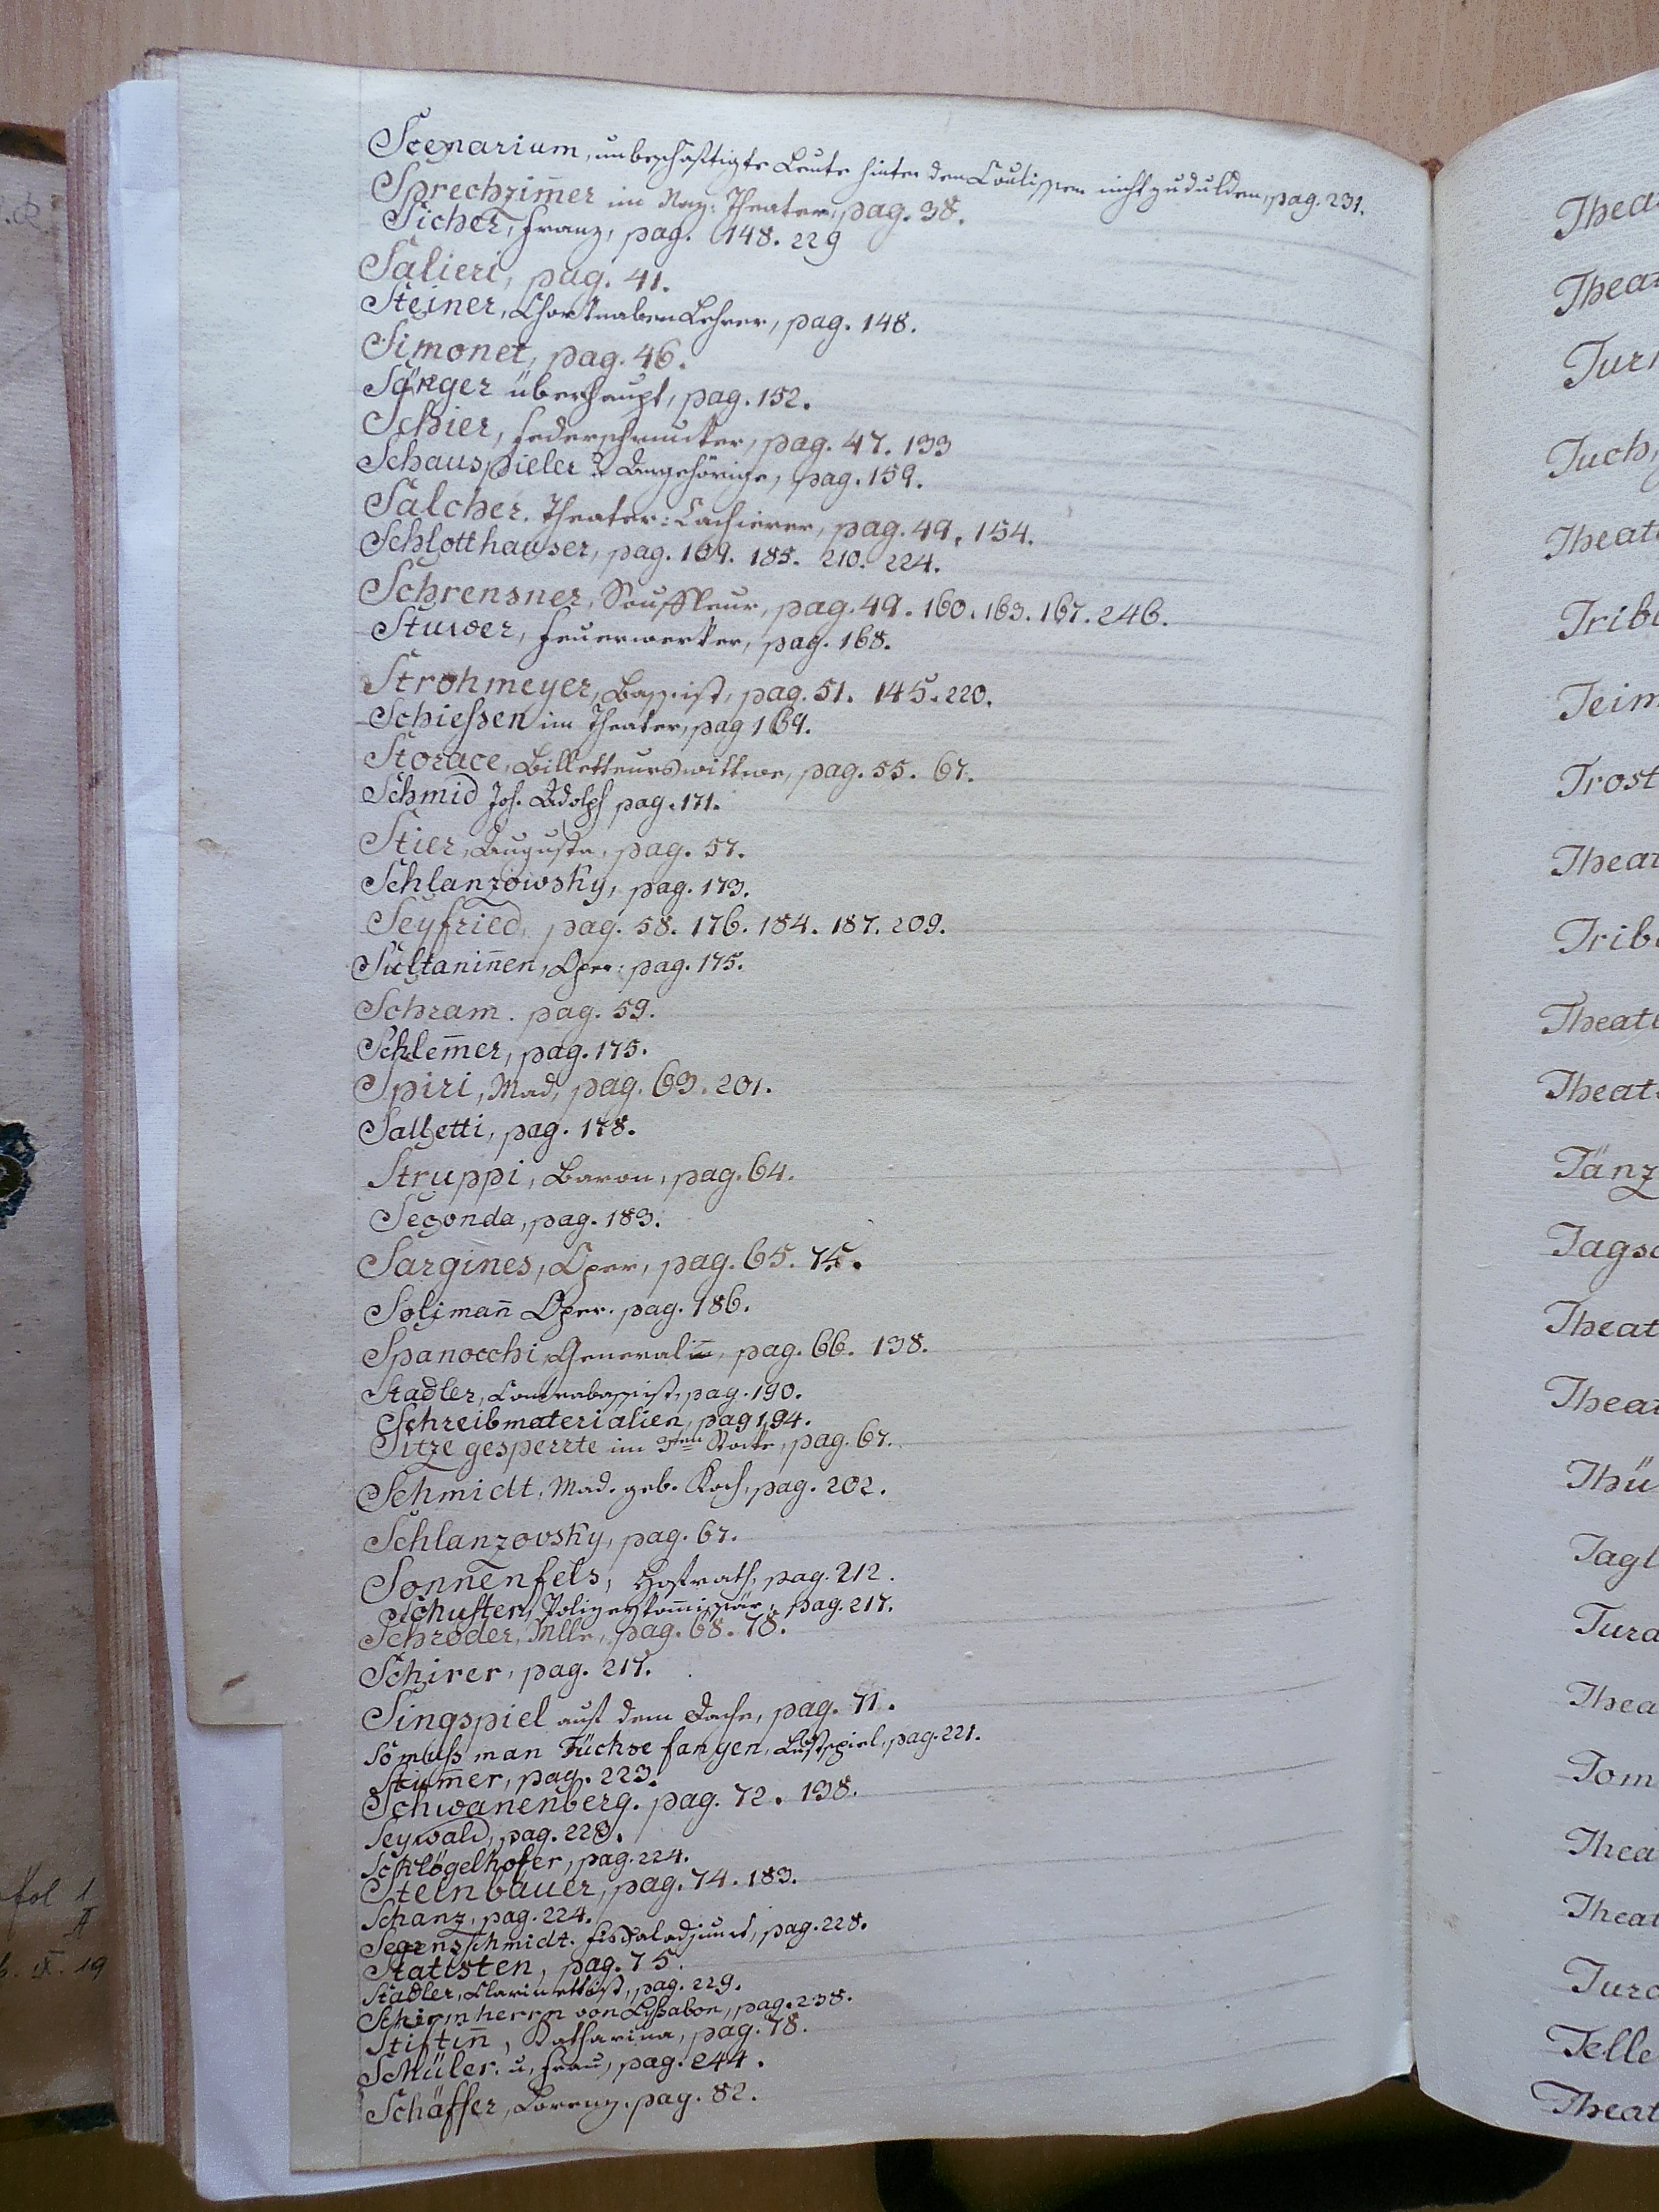Scenarium,unbeschäftigte Leute hinter den Coulissen nicht zu dulden, pag. 231.
Sprechzim̅er im Naz: Theater, pag. 38.
Sicher, Franz, pag. 148. 229.
Salieri, pag. 41.
Steiner, Chorknaben Lehrer, pag. 148.
Simonet, pag. 46.
Sänger überhaupt, pag. 152.
Schier, Federschmucker, pag. 47. 133.
Schauspieler u Angehörige, pag. 159.
Salcher, Theater: Cachierer, Pag. 49. 154.
Schlotthauser, pag. 159. 185. 210. 224.
Schrensner, Souffleur, pag. 49. 160. 163. 167. 246.
Stuwer, Feuerwerker, pag. 168.
Strohmeyer, Bassist, pag. 51. 145. 220.
Schiessen im Theater, pag 169.
Storace, Billetteurswittwe, pag. 55. 67.
Schmid Joh. Adolph pag. 171.
Stier, Augusta, pag. 57.
Schlanzowsky, pag. 173..
Seyfried, pag. 58. 176. 184. 187. 209.
Sultanin̅en, Oper, pag. 175.
Schram. pag. 59.
Schlem̅er, pag. 175.
Spiri, Mad, pag. 63. 201.
Salleti, pag. 178.
Struppi, Baron, pag. 64.
Seconda, pag. 183.
Sargines, Oper, pag. 65. 75.
Soliman̅ Oper. pag. 186.
Spanocchi, Generalin̅, pag. 66. 138.
Stadler, Contrabassist, pag. 190.
Schreibmaterialien, pag. 194.
Sitze gesperrte im 3te͇n Stocke, pag. 67.
Schmidt, Mad. geb Koch, pag. 202.
Schlanzovsky, pag. 67.
Sonnenfels, Hofrath, pag. 212.
Schuster, Polizeykom̅issär, pag. 217.
Schröder, Mlle, pag. 68. 78.
Schirer, pag. 217.
Singspiel auf dem Dache, pag. 71.
So muss man Füchse fangen, Lustspiel, pag. 221.
Stum̅er, pag. 223.
Schwanenberg. pag. 72. 138.
Seywald, pag. 223.
Schlögelhofer, pag. 224.
Steinbauer, pag. 74. 183.
Schanz, pag. 224.
Segenschmidt. Fiscaladjunct, pag. 228.
Statisten, pag. 75.
Stadler, Clarinettist, pag. 229.
Schirmherrn von Lissabon, pag. 238.
Stiftin̅, Katharina, pag. 78.
Schüler. u, Frau, pag. 244.
Schäffer, Lorenz, pag. 82.